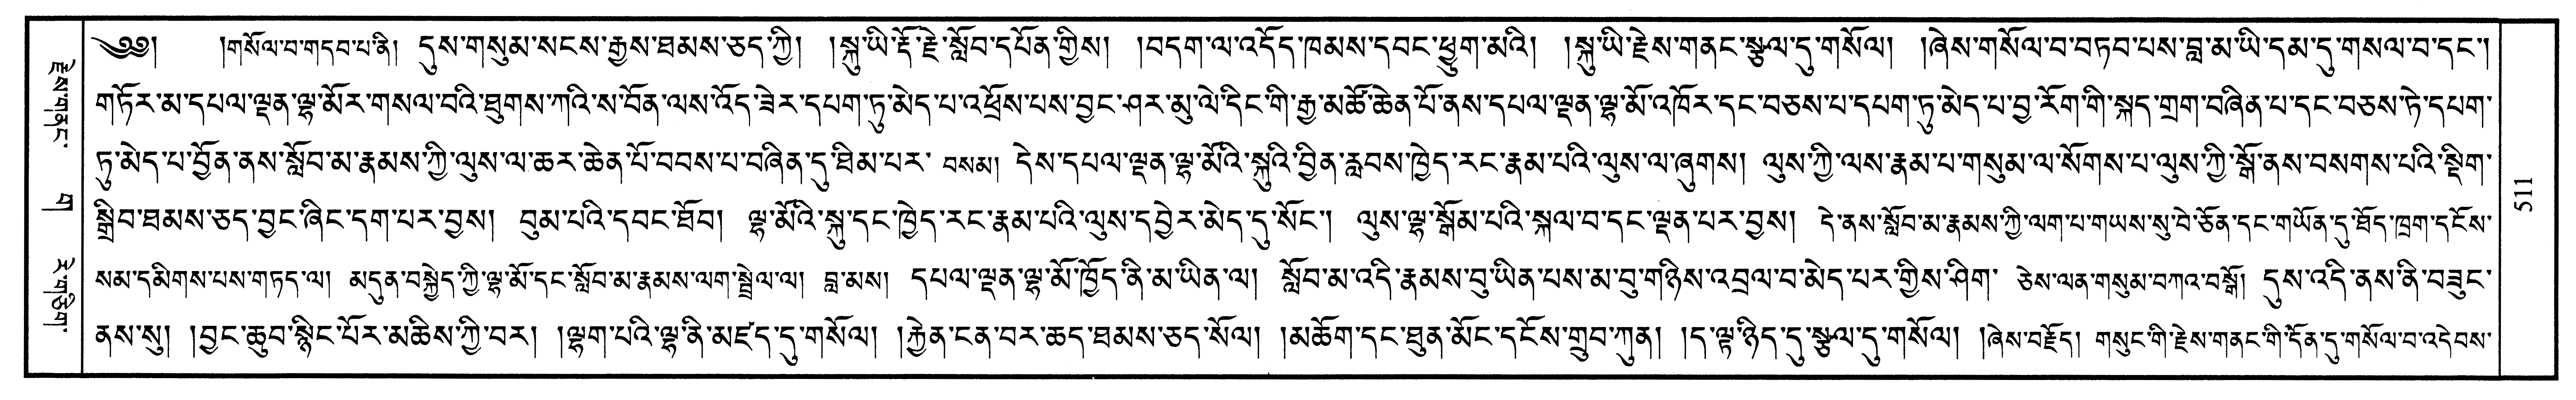༄༅། །གསོལ་བ་གདབ་པ་ནི། དུས་གསུམ་སངས་རྒྱས་ཐམས་ཅད་ཀྱི། །སྐུ་ཡི་རྡོ་རྗེ་སློབ་དཔོན་གྱིས། །བདག་ལ་འདོད་ཁམས་དབང་ཕྱུག་མའི། །སྐུ་ཡི་རྗེས་གནང་སྩལ་དུ་གསོལ། །ཞེས་གསོལ་བ་བཏབ་པས་བླ་མ་ཡི་དམ་དུ་གསལ་བ་དང་།
གཏོར་མ་དཔལ་ལྡན་ལྷ་མོར་གསལ་བའི་ཐུགས་ཀའི་ས་བོན་ལས་འོད་ཟེར་དཔག་ཏུ་མེད་པ་འཕྲོས་པས་བྱང་ཤར་མུ་ལེ་དིང་གི་རྒྱ་མཚོ་ཆེན་པོ་ནས་དཔལ་ལྡན་ལྷ་མོ་འཁོར་དང་བཅས་པ་དཔག་ཏུ་མེད་པ་བྱ་རོག་གི་སྐད་གྲག་བཞིན་པ་དང་བཅས་ཏེ་དཔག་
ཏུ་མེད་པ་བྱོན་ནས་སློབ་མ་རྣམས་ཀྱི་ལུས་ལ་ཆར་ཆེན་པོ་བབས་པ་བཞིན་དུ་ཐིམ་པར་བསམ། དེས་དཔལ་ལྡན་ལྷ་མོའི་སྐུའི་བྱིན་རླབས་ཁྱེད་རང་རྣམ་པའི་ལུས་ལ་ཞུགས། ལུས་ཀྱི་ལས་རྣམ་པ་གསུམ་ལ་སོགས་པ་ལུས་ཀྱི་སྒོ་ནས་བསགས་པའི་སྡིག་
སྒྲིབ་ཐམས་ཅད་བྱང་ཞིང་དག་པར་བྱས། བུམ་པའི་དབང་ཐོབ། ལྷ་མོའི་སྐུ་དང་ཁྱེད་རང་རྣམ་པའི་ལུས་དབྱེར་མེད་དུ་སོང་། ལུས་ལྷ་སྒོམ་པའི་སྐལ་བ་དང་ལྡན་པར་བྱས། དེ་ནས་སློབ་མ་རྣམས་ཀྱི་ལག་པ་གཡས་སུ་བེ་ཅོན་དང་གཡོན་དུ་ཐོད་ཁྲག་དངོས་
སམ་དམིགས་པས་གཏད་ལ། མདུན་བསྐྱེད་ཀྱི་ལྷ་མོ་དང་སློབ་མ་རྣམས་ལག་སྦྲེལ་ལ། བླ་མས། དཔལ་ལྡན་ལྷ་མོ་ཁྱོད་ནི་མ་ཡིན་ལ། སློབ་མ་འདི་རྣམས་བུ་ཡིན་པས་མ་བུ་གཉིས་འབྲལ་བ་མེད་པར་གྱིས་ཤིག་ཅེས་ལན་གསུམ་བཀའ་བསྒོ། དུས་འདི་ནས་ནི་བཟུང་
ནས་སུ། །བྱང་ཆུབ་སྙིང་པོར་མཆིས་ཀྱི་བར། །ལྷག་པའི་ལྷ་ནི་མཛད་དུ་གསོལ། །རྐྱེན་ངན་བར་ཆད་ཐམས་ཅད་སོལ། །མཆོག་དང་ཐུན་མོང་དངོས་གྲུབ་ཀུན། །ད་ལྟ་ཉིད་དུ་སྩལ་དུ་གསོལ། །ཞེས་བརྗོད། གསུང་གི་རྗེས་གནང་གི་དོན་དུ་གསོལ་བ་འདེབས་